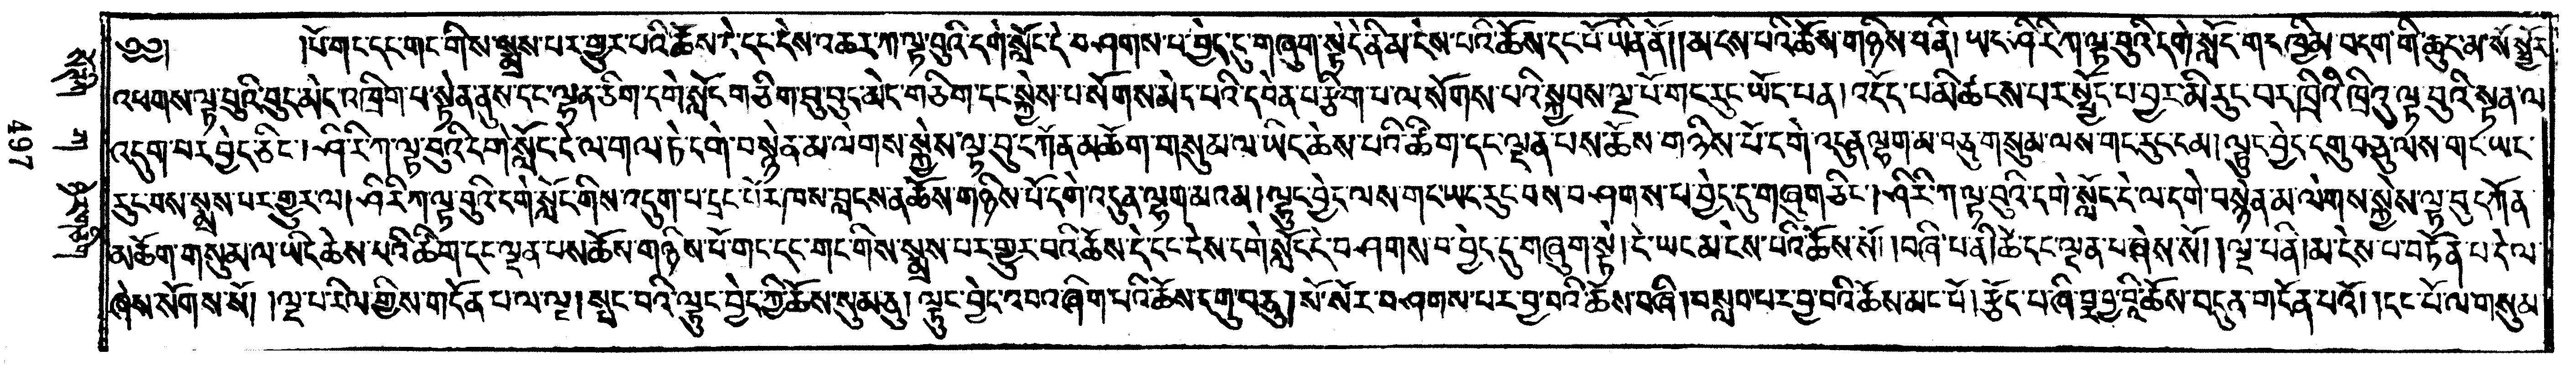༄༅། །པོ་གང་དང་གང་གིས་སྨྲས་པར་གྱུར་པའི་ཆོས་དེ་དང་དེས་འཆར་ཀ་ལྟ་བུའི་དགེ་སློང་དེ་བཤགས་པ་བྱེད་དུ་གཞུག་སྟེ་དེ་ནི་མ་ངེས་པའི་ཆོས་དང་པོ་ཡིན་ནོ། །མ་ངེས་པའི་ཆོས་གཉིས་པ་ནི། ཡང་ཤི་རིཀ་ལྟ་བུའི་དགེ་སློང་གང་ཁྱིམ་བདག་གི་ཆུང་མ་སོ་སྦྱོར་
འཕགས་ལྟ་བུའི་བུད་མེད་འཁྲིག་པ་སྟེན་ནུས་དང་ལྷན་ཅིག་དགེ་སློང་གཅིག་བུ་བུད་མེད་གཅིག་དང་སྐྱེས་པ་སོགས་མེད་པའི་དབེན་བ་རྩིག་པ་ལ་སོགས་པའི་སྐྱབས་ལྔ་པོ་གང་རུང་ཡོད་པན། འདོད་པ་མི་ཚངས་པར་སྤྱོད་པ་བྱར་མི་རུང་བར་ཁྲིའི་ཁྲིའུ་ལྟ་བུའི་སྟན་ལ་
འདུག་པར་བྱེད་ཅིང་། ཤི་རི་ཀ་ལྟ་བུའི་དགེ་སློང་ངེ་ལ་གལ་ཏེ་དགེ་སྙེན་མ་ལེགས་ཀྶྱེས་ལྟ་བུ་དཀོན་མཆོག་གསུམ་ལ་ཡིད་ཆེས་པའི་ཚིག་དང་ལྡན་པས་ཆོས་གཉིས་པོ་དགེ་འདུན་ལྷག་མ་བཅུ་གསུམ་ལས་གང་རུང་ངམ། ལྟུང་བྱེད་དགུ་བཅུ་ལས་གང་ཡང་
རུང་བས་སྨྲས་པར་གྱུར་ལ། ཤི་རིཀ་ལྟ་བུའི་དགེ་སློང་གིས་འདུག་པ་དྲང་པོར་ཁས་བླངས་ན་ཆོས་གཉིས་པོ་དགེ་འདུན་ལྷག་མའམ། ལྷུང་བྱེད་ལས་གང་ཡང་རུང་བས་བཤགས་པ་བྱེད་དུ་གཞུག་ཅིང་། ཤི་རི་ཀ་ལྟ་བུའི་དགེ་སློང་དེ་ལ་དགེ་བསྙེན་མ་ལེགས་སྐྱེས་ལྟ་བུ་དཀོན་
མཆོག་གསུམ་ལ་ཡིད་ཆེས་པའི་ཚིག་དང་ལྡན་པས་ཆོས་གཉིས་པོ་གང་དང་གང་གིས་སྨྲས་པར་གྱུར་བའི་ཆོས་དེ་དང་ངེས་དགེ་སློང་དེ་བཤགས་བ་བྱེད་དུ་གཞུག་སྟེ། དེ་ཡང་མ་ངེས་པའི་ཆོས་སོ། །བཞི་པ་ནི། ཚེ་དང་ལྡན་པ་ཞེས་སོ། །ལྔ་པ་ནི། མ་ངེས་པ་བཏོན་པ་དེ་ལ་
ཞེས་སོགས་སོ། །ལྔ་པ་རིལ་གྱིས་གདོན་པ་ལ་ལྔ། སྤང་བའི་ལྟུང་བྱེད་ཀྱི་ཆོས་སུམ་ཅུ། ལྟུང་བྱེད་འབའ་ཞིག་པའི་ཆོས་དགུ་བཅུ། སོ་སོར་བཤགས་པར་བྱ་བའི་ཆོས་གཞི། བསླབ་པར་བྱ་བའི་ཆོས་མང་པོ། རྩོད་པ་ཞི་བར་བྱ་བའི་ཆོས་བདུན་གདོན་པའོ། །དང་པོ་ལ་གསུམ་